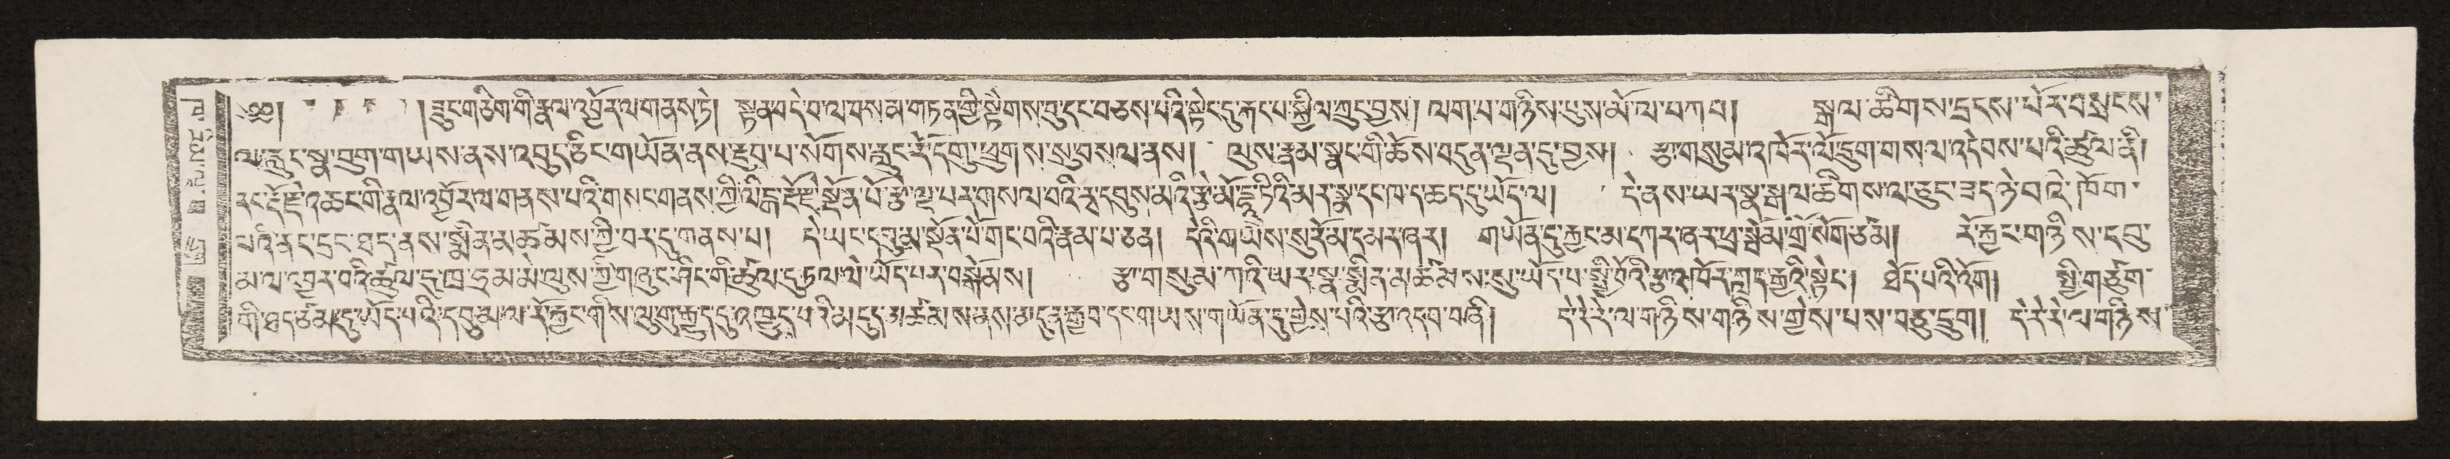༄༅། །ཟུང་གཅིག་གི་རྣལ་འབྱོར་ལ་གནས་ཏེ། སྟན་བདེ་བ་ལ་བསམ་གཏན་གྱི་སྟེགས་བུ་དང་བཅས་པའི་སྟེང་དུ་རྐང་པ་སྐྱིལ་ཀྲུང་བྱས། ལག་པ་གཉིས་པུས་མོ་ལ་བཀབ། སྒལ་ཚིགས་དྲངས་
བོར་བསྲངས་ལ་རླུང་སྣ་བུག་གཡས་ནས་འབུད་ཅིང་གཡོན་ནས་རྡུབ་པ་སོགས་རླུང་རོ་དགུ་ཕྲུགས་སུ་བསལ་ནས། ལུས་རྣམ་སྣང་གི་ཆོས་བདུན་ལྡན་དུ་བྱས། རྩ་གསུམ་འཁོར་ལོ་དྲུག་གསལ་འདེབས་པའི་ཚུལ་ནི།
རང་རྡོ་རྗེ་འཆང་གི་རྣལ་འབྱོར་ལ་གནས་པའི་གསང་གནས་ཀྱི་ལིངྒ་རྡོ་རྗེ་སྔོན་པོ་རྩེ་ལྔ་པར་གསལ་བའི་རྭ་དབུས་མའི་རྩེ་མོདྷུ་ཏིའི་མར་སྣ་དང་ཁ་ད་ཆད་དུ་ཡོད་ལ། དེ་ནས་ཡར་སྣ་སྒལ་ཚིགས་ལ་ཅུང་ཟད་ཉེ་པའི་ཁོག་
པའི་ནང་དྲང་ཐང་ནས་སྨིན་མཚམས་ཀྱི་བར་དུ་གནས་པ། དེ་ཡང་དབུ་མ་སྔོན་པོ་གང་བའི་རྣམ་པ་ཅན། དེའི་གཡས་སུ་རོ་མ་དམར་ཞར། གཡོན་དུ་རྐྱང་མ་དཀར་ཞར་ཕྲ་སྦོམ་གྲོ་སོག་ཙམ། རོ་རྐྱང་གཉིས་དབུ་
མ་ལ་འབྱར་པའི་ཚུལ་དུ་ཁྲ་ཧྲ་མ་མེ་ལུས་ཀྱི་གཞུང་ཤིང་གི་ཚུལ་དུ་ཏ་ལ་ལེ་ཡོང་བར་བསྒོམས། རྩ་གསུམ་ཀའི་ཡར་སྣ་སྨིན་མཚམས་སུ་ཡོད་པ་སྤྱི་བོའི་རྩ་འཁོར་ཀླད་རྒྱའི་སྟེང་། ཐོད་པའི་འོག། སྤྱི་གཙུག་
གི་ཐད་ཙམ་དུ་ཡོད་པའི་དབུ་མ་ལ་རོ་རྐྱང་གིས་ལུ་གུ་རྒྱུད་དུ་འཁྱུད་པའི་མདུད་མཚམས་ནས་མདུན་རྒྱབ་དང་གཡས་གཡོན་དུ་གྱེས་པའི་རྩ་འདབ་བཞི། དེ་རེ་རེ་ལ་གཉིས་གཉིས་གྱིས་པས་བཅུ་དྲུག། དེ་རེ་རེ་ལ་གཉིས་